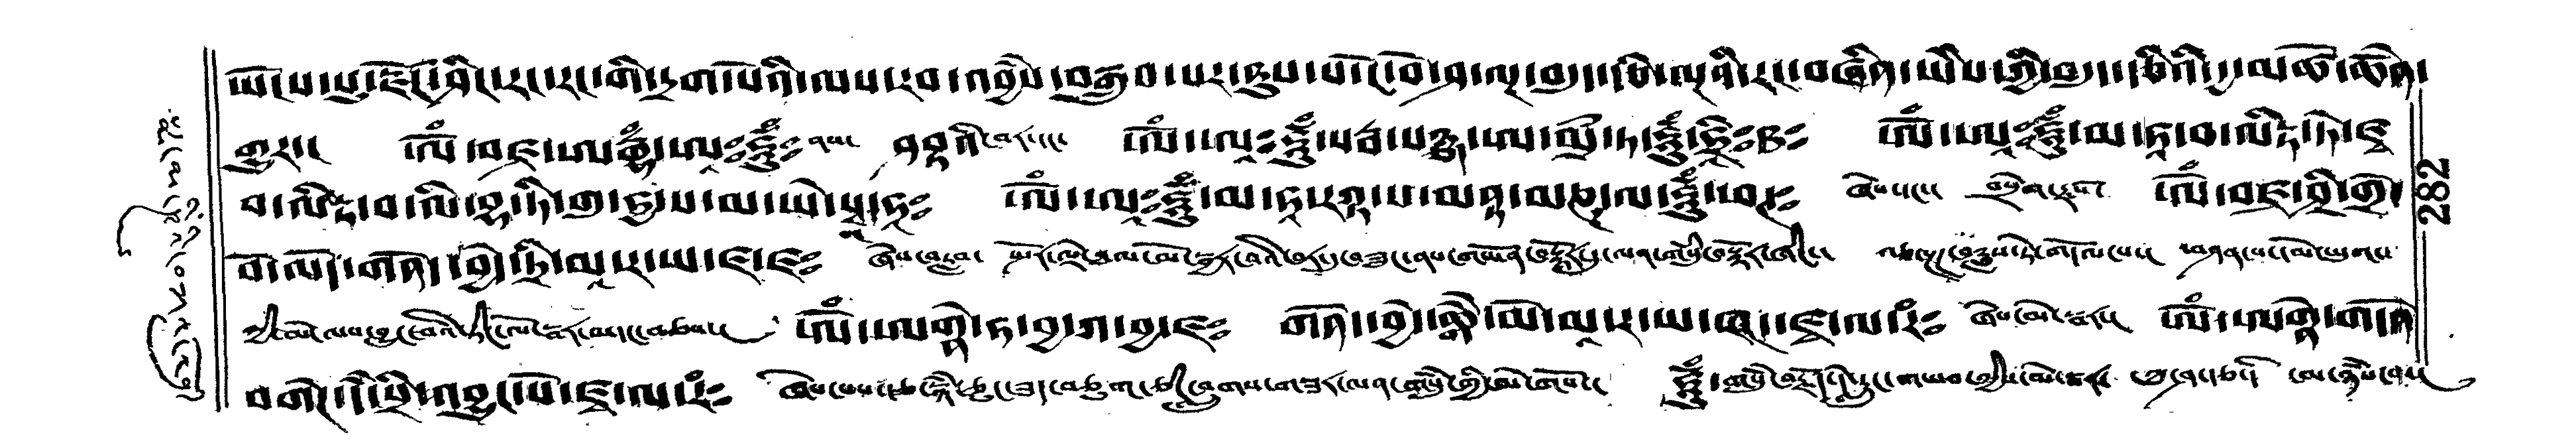ཡོངས་སུ་རྫོགས་ཤིང་རང་རང་གི་དྲག་པོའི་ལས་རབ་འབྱམས་བསྒྲུབ་པར་ནུས་པ།ངོ་བོ་ཤ་ལྔ་བདུད་རྩི་ལྔའི་རང་བཞིན་ཡེ་ཤེས་ཀྱི་བདུད་རྩིའི་རྒྱ་མཚོ་ཆེན་པོ་
གྱུར། ཨོཾ་བཛྲ་ཨརྒྷཾ་ཨ་ཧཱུྃ། ནས། ཤབྟའི་བར་དང་། ཨོཾ་ཨཱཿཧཱུྂ་སརྦ་པཉྩ་ཨ་མྲྀ་ཏ་ཧཱུྃ་ཧྲཱིཿཋ༔ ཨོཾ་ཨཱཿཧཱུྂ་མ་ཧཱ་བཱ་ལིངྟ་ཏེ་ཛྭ་
བ་ལིངྟ་བ་ལ་བྷ་ཏེ་གུ་ཧྱ་ས་མ་ཡེ་སྭ་ཧཱ༔ ཨོཾ་ཨཱཿཧཱུྂ་མ་ཧཱ་རཀྟ་ས་མནྟ་མཎྜལ་ལ་ཧཱུྂ་ཕཊ༔ ཞེས་དང་། བསྲེག་རྫས། ཨོཾ་བཛྲ་ཤྲི་གྲོ་
བོ་ལོད་གནོད་བྱེད་ཏྲི་མཱ་ར་ཡ་ཛ་ཛ༔ ཞེས་བརླབ། སྤོར་ལྡེ་ཐལ་མོ་སྦྱར་བའི་བར་དུ་བཟུང་ནས་གཡོན་བསྐོར་དུ་ལན་གསུམ་བསྐོར་ཞིང་། རྩ་སྔགས་བཟླས་ཏེ་གདོལ་པ། བཤན་པ་དམེ་ཡུག་
གི་མེ་ལས་བྱུང་བའི་ཏིང་ལོ་སྦར་པ་དང་བཅས། ཨོཾ་ཨགྣེ་ཧ་བྱ་ཀ་བྱ་ཛ༔ གནོད་བྱེད་ཆེ་གེ་མོ་མཱ་ར་ཡ་ཕཊ་ཛྭ་ལ་རཾ༔ ཞེས་མེ་སྦར། ཨོཾ་ཨགྣེ་གདོན་
བགེགས་དམ་སྲི་འབྱུང་པོ་ཛྭ་ལ་རཾ༔ ཞེས་པས་རྩ་སྐམ་ཅུང་ཟད་བཅུག་ཅིང་བླུགས་གཟར་ལན་གསུམ་གྱིས་མེ་གསོ། ཧཱུྃ་གསུམ་བརྗོད་དེ་རླུང་གཡབ་ཀྱིས་མེ་སྦར། རྩ་ཀུ་ཤ་མ་ཉམས་པ་ཐོགས་ལ།